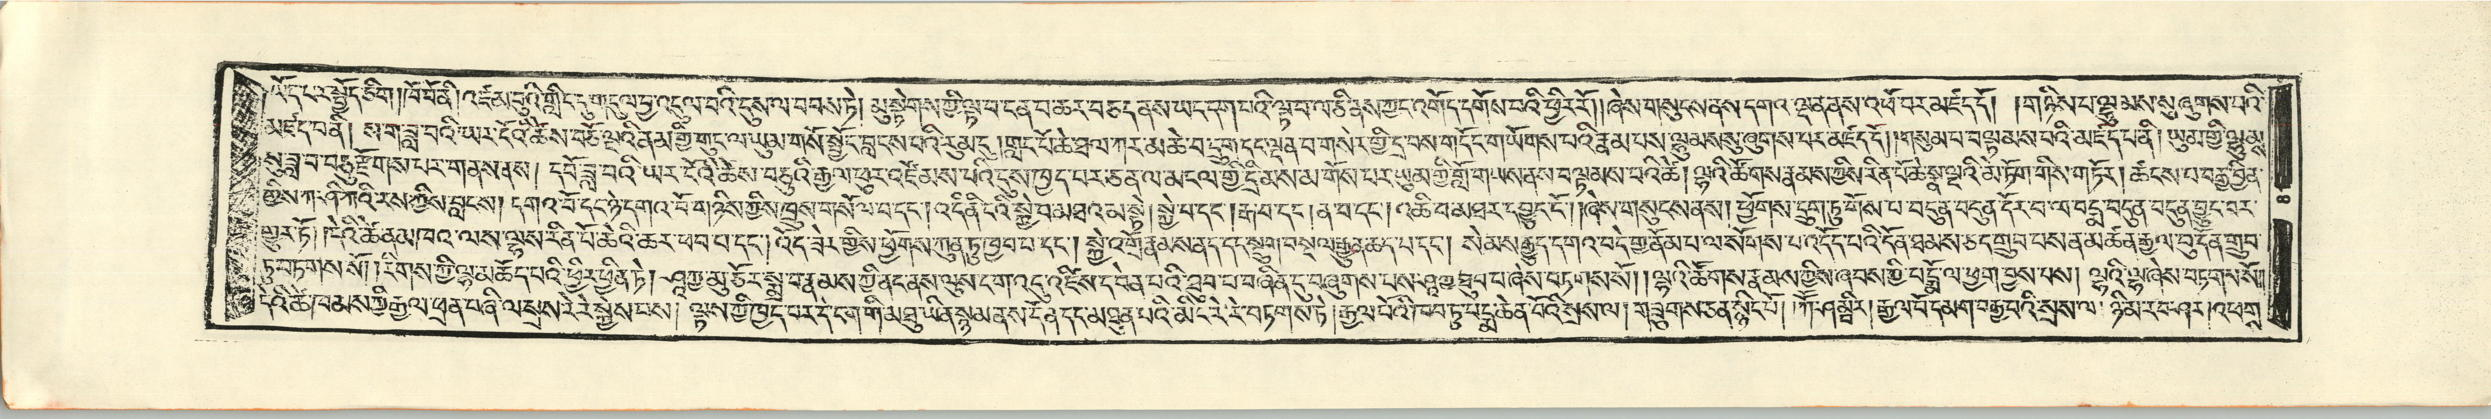ཡོད་པར་སྤྱོད་ཅིག །ཁོ་བོ་ནི། འཛམ་བུའི་གླིང་དུ་གདུལ་བྱ་འདུལ་བའི་དུས་ལ་བབས་ཏེ། མུ་སྟེགས་ཀྱི་ལྟ་བ་ངན་བ་ཆར་བཅད་ནས་ཡང་དག་པའི་ལྟ་བ་ལ་ཅི་ནས་ཀྱང་འགོད་དགོས་པའི་ཕྱིར་རོ། །ཞེས་གསུངས་ནས་དགའ་ལྡན་ནས་འཕོ་བར་མཛད་དོ། །གཉིས་པ་ལྷུམས་སུ་ཞུགས་པའི་
མཛད་པ་ནི། ས་ག་ཟླ་བའི་ཡར་ངོའི་ཚེས་བཅོ་ལྔའི་ནམ་གྱི་གུང་ལ་ཡུམ་གསོ་སྤྱོང་བླངས་པའི་རུམ་དུ། གླང་པོ་ཆེ་ཐལ་ཀར་མཆེ་བ་དྲུག་དང་ལྡན་པ་གསེར་གྱི་དྲ་བས་གདོང་གཡོགས་པའི་རྣམ་པས་ལྷུམས་སུ་ཞུགས་པར་མཛད་དོ། །གསུམ་པ་བལྟམས་པའི་མཛད་པ་ནི། ཡུམ་གྱི་ལྷུམས་
སུ་ཟླ་བ་བཅུ་རྫོགས་པར་གནས་ནས། དབོ་ཟླ་བའི་ཡར་ངོའི་ཚེས་བཅུའི་རྒྱལ་ཕུར་འཛོམས་པའི་དུས་ཁྱད་པར་ཅན་ལ་མངལ་གྱི་དྲི་མས་མ་གོས་པར་ཡུམ་གྱི་གློ་གཡས་ནས་བལྟམས་པའི་ཚེ། ལྷའི་ཚོགས་རྣམས་ཀྱིས་རིན་པོ་ཆེ་སྣ་ལྔའི་མེ་ཏོག་གིས་གཏོར། ཚངས་པ་བརྒྱ་བྱིན་
གྱིས་ཀ་ཤི་ཀའི་རས་ཀྱིས་བླངས། དགའ་བོ་དང་ཉེ་དགའ་བོ་གཉིས་ཀྱིས་ཁྲུས་གསོལ་བ་དང་། འདི་ནི་ངའི་སྐྱེ་བ་མཐའ་མ་སྟེ། སྐྱེ་བ་དང་། རྒ་བ་དང་། ན་བ་དང་། འཆི་བ་མཐར་དབྱུང་ངོ། །ཞེས་གསུངས་ནས། ཕྱོགས་དྲུག་ཏུ་གོས་པ་བདུན་བདུན་དོར་བ་ལ་པདམ་བདུན་བདུན་བྱུང་བར་
གྱུར་ཏོ། །དེའི་ཚེ་ན་མཁའ་ལས་ལྷས་རིན་པོ་ཆེའི་ཆར་ཕབ་པ་དང་། འོད་ཟེར་གྱིས་ཕྱོགས་ཀུན་ཏུ་ཁྱབ་པ་དང་། སྐྱེ་འགྲོ་རྣམས་ནད་དང་སྡུག་བསྔལ་རྒྱུན་ཆད་པ་དང་། སེམས་རྒྱུད་དགའ་བདེ་གྱ་ནོམ་པ་ལ་སོགས་པ་འདོད་པའི་དོན་ཐམས་ཅད་གྲུབ་པས་ན་མཚན་རྒྱལ་བུ་དོན་གྲུབ་
ཏུ་བཏགས་སོ། །རིགས་ཀྱི་ལྷ་མཆོད་པའི་ཕྱིར་ཕྱིན་ཏེ། ཤའྐྱ་མུ་ཅོར་སྨྲ་བ་རྣམས་ཀྱི་ནང་ནས་ལུས་ངག་འདུ་འཛིས་དབེན་པའི་ཐུབ་པ་བཞིན་དུ་བཞུགས་པས་ཤཱཀྱ་ཐུབ་པ་ཞེས་བཏགས་སོ། །ལྷའི་ཚོགས་རྣམས་ཀྱིས་ཞབས་ཀྱི་པདམོ་ལ་ཕྱག་བྱས་པས། ལྷའི་ལྷ་ཞེས་བཏགས་སོ།།
དེའི་ཚེ་ཁམས་ཀྱི་རྒྱལ་ཕྲན་བཞི་ལ་སྲས་རེ་རེ་སྐྱེས་པས། ལྟས་ཀྱི་ཁྱད་པར་དེ་ངག་གི་མཐུ་ཡིན་སྙམ་ནས་དོན་དང་མཐུན་པའི་མིང་རེ་རེ་བཏགས་ཏེ། རྒྱལ་པོའི་ཁབ་ཏུ་པདམ་ཆེན་པོའི་སྲས་ལ། གཟུགས་ཅན་སྙིང་པོ། །ཀཽ་ཤམྦིར། རྒྱལ་བོ་དམག་བརྒྱ་བའི་སྲས་ལ། ཉི་མ་རབ་ཤར། འཕགས་